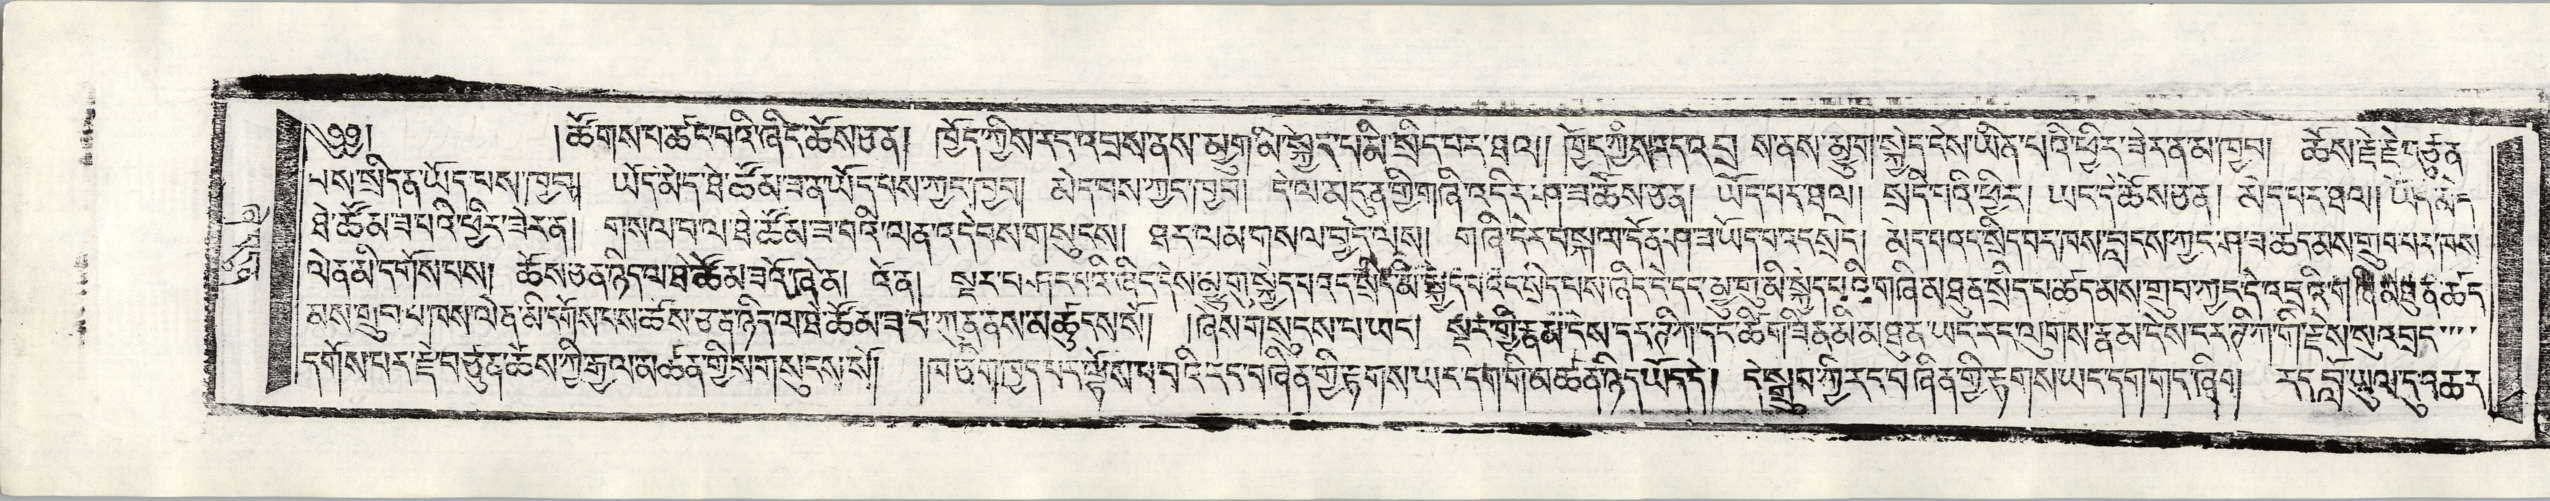༄༅། །ཚོགས་པ་ཚང་བའི་ཞིང་ཆོས་ཅན། ཁྱོད་ཀྱིས་རང་འབྲས་ནས་མྱུག་མི་སྐྱེད་པ་མི་སྲིད་པར་ཐལ། ཁྱོད་ཀྱིས་རང་འབྲས་ནས་མྱུག་སྐྱེད་ངེས་ཡིན་པའི་ཕྱིར་ཟེར་ན་མ་ཁྱབ། ཆོས་རྗེ་རྗེ་བཙུན་
པས་སྲིད་ན་ཡོད་པས་ཁྱབ། ཡོད་མེད་ཐེ་ཚོམ་ཟ་ན་ཡོད་པས་ཀྱང་ཁྱབ། མེད་པས་ཀྱང་ཁྱབ། དེ་ལ་མདུན་གྱི་གཞི་འདིར་ཤ་ཟ་ཆོས་ཅན། ཡོད་པར་ཐལ། སྲིད་པའི་ཕྱིར། ཡང་དེ་ཆོས་ཅན། མེད་པར་ཐལ། ཡོད་མེད་
ཐེ་ཚོམ་ཟ་བའི་ཕྱིར་ཟེར་ན། གསལ་བ་ལ་ཐེ་ཚོམ་ཟ་བའི་ལན་འདེབས་གསུངས། ཐར་ལམ་གསལ་བྱེད་ལས། གཞི་དེར་བསྐལ་དོན་ཤ་ཟ་ཡོད་པའང་སྲིད། མེད་པའང་སྲིད་པར་ཁས་བླངས་ཀྱང་ཤ་ཟ་ཚད་མས་གྲུབ་པར་ཁས་
ལེན་མི་དགོས་པས། ཆོས་ཅན་ཉིད་ལ་ཐེ་ཚོམ་ཟའོ་ཞེ་ན། འོ་ན། སྔར་བཤད་པའི་ཞིང་དེས་མྱུ་གུ་སྐྱེད་པའང་སྲིད་མི་སྐྱེད་པ་འང་སྲིད་པས་ཞིང་དེ་དང་མྱུ་གུ་མི་སྐྱེད་པའི་གཞི་མཐུན་སྲིད་པ་ཚད་མས་གྲུབ་ཀྱང་དེ་འདྲའི་གཞི་མཐུན་ཚད་
མས་གྲུབ་པ་ཁས་ལེན་མི་དགོས་པས་ཆོས་ཅན་ཉིད་ལ་ཐེ་ཚོམ་ཟ་བ་ཀུན་ནས་མཚུངས་སོ། །ཞེས་གསུངས་པ་ཡང་། སྔར་གྱི་རྣམ་ངེས་དར་ཊིཀ་དང་ཚིག་ཟིན་མི་མཐུན་ཡང་རང་ལུགས་རྣམ་ངེས་དར་ཊིཀ་གི་རྗེས་སུ་འབྲང་
དགོས་པར་རྗེ་བཙུན་ཆོས་ཀྱི་རྒྱལ་མཚན་གྱིས་གསུངས་སོ།། ཁ་ཅིག་ཁྱད་པར་ལྟོས་པ་བའི་རང་བཞིན་གྱི་རྟགས་ཡང་དག་གི་མཚན་ཉིད་ཡོད་དེ། དེ་སྒྲུབ་ཀྱི་རང་བཞིན་གྱི་རྟགས་ཡང་དག་གང་ཞིག་རང་བློ་ཡུལ་དུ་འཆར་